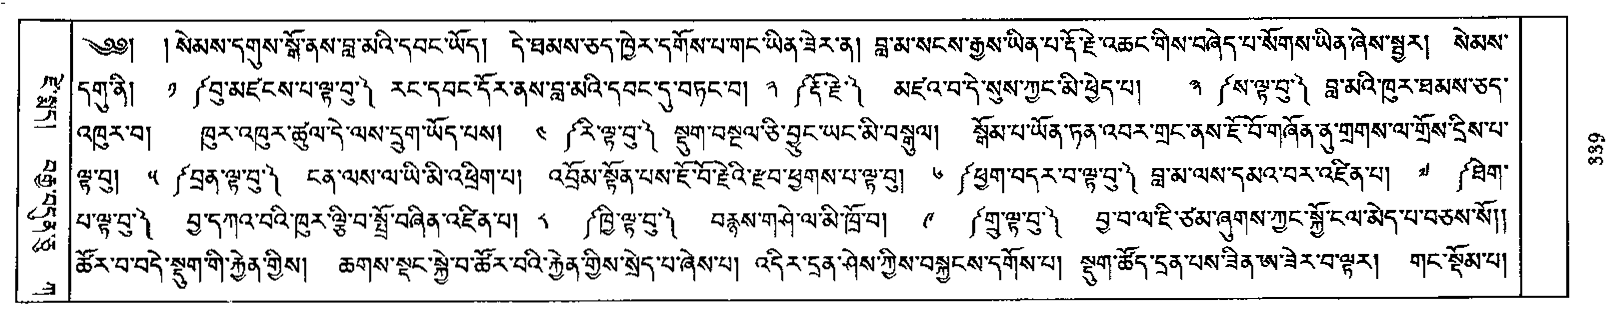༄༅། །སེམས་དགུས་སྒོ་ནས་བླ་མའི་དབང་ཡོད། དེ་ཐམས་ཅད་ཁྱེར་དགོས་པ་གང་ཡིན་ཟེར་ན། བླ་མ་སངས་རྒྱས་ཡིན་པ་རྡོ་རྗེ་འཆང་གིས་བཞེད་པ་སོགས་ཡིན་ཞེས་སྦྱར། སེམས་
དགུ་ནི། ༡ ༼བུ་མཛངས་པ་ལྟ་བ྄ུ་རང་དབང་དོར་ནས་བླ་མའི་དབང་དུ་བཏང་བ། ༢་༽རྡོ་རྗ྄ེ་མཛའ་བ་དེ་སུས་ཀྱང་མི་ཕྱེད་པ། ༣་ས་ལྟ་བ྄ུ་བླ་མའི་ཁུར་ཐམས་ཅད་
འཁུར་བ། ཁུར་འཁུར་ཚུལ་དེ་ལས་དྲུག་ཡོད་པས། ༤་རི་ལྟ་བ྄ུ་སྡུག་བསྔལ་ཅི་བྱུང་ཡང་མི་བསྒུལ། སྒོམ་པ་ཡོན་ཏན་འབར་གྲང་ནས་ཇོ་བོ་གཞོན་ནུ་གྲགས་ལ་གྲོས་དྲིས་པ་
ལྟ་བུ། ༥ ༼བྲན་ལྟ་བ྄ུ་ངན་ལས་ལ་ཡི་མི་འཕྲིག་པ། འབྲོམ་སྟོན་པས་ཇོ་བོ་རྗེའི་རྫབ་ཕྱགས་པ་ལྟ་བུ། ༦་༽ཕྱག་བདར་བ་ལྟ་བ྄ུ་བླ་མ་ལས་དམའ་བར་འཛིན་པ། ༧་ཐེག་
པ་ལྟ་བ྄ུ་བྱ་དཀའ་བའི་ཁུར་ལྕི་བ་སྤྲོ་བཞིན་འཛིན་པ། ༨ ༼ཁྱི་ལྟ་བ྄ུ་བརྙས་གཤེ་ལ་མི་ཁྲོ་བ། ༩་༽གྲུ་ལྟ་བ྄ུ་བྱ་བ་ལ་ཇི་ཙམ་ཞུགས་ཀྱང་སྐྱོ་ངལ་མེད་པ་བཅས་སོ།།
ཚོར་བ་བདེ་སྡུག་གི་རྐྱེན་གྱིས། ཆགས་སྡང་སྐྱེ་བ་ཚོར་བའི་རྐྱེན་གྱིས་སྲེད་པ་ཞེས་པ། འདིར་དྲན་ཤེས་ཀྱིས་བསྐྱངས་དགོས་པ། སྡུག་ཚོད་དྲན་པས་ཟིན་ཨ་ཟེར་བ་ལྟར། གང་སྡོམ་པ།